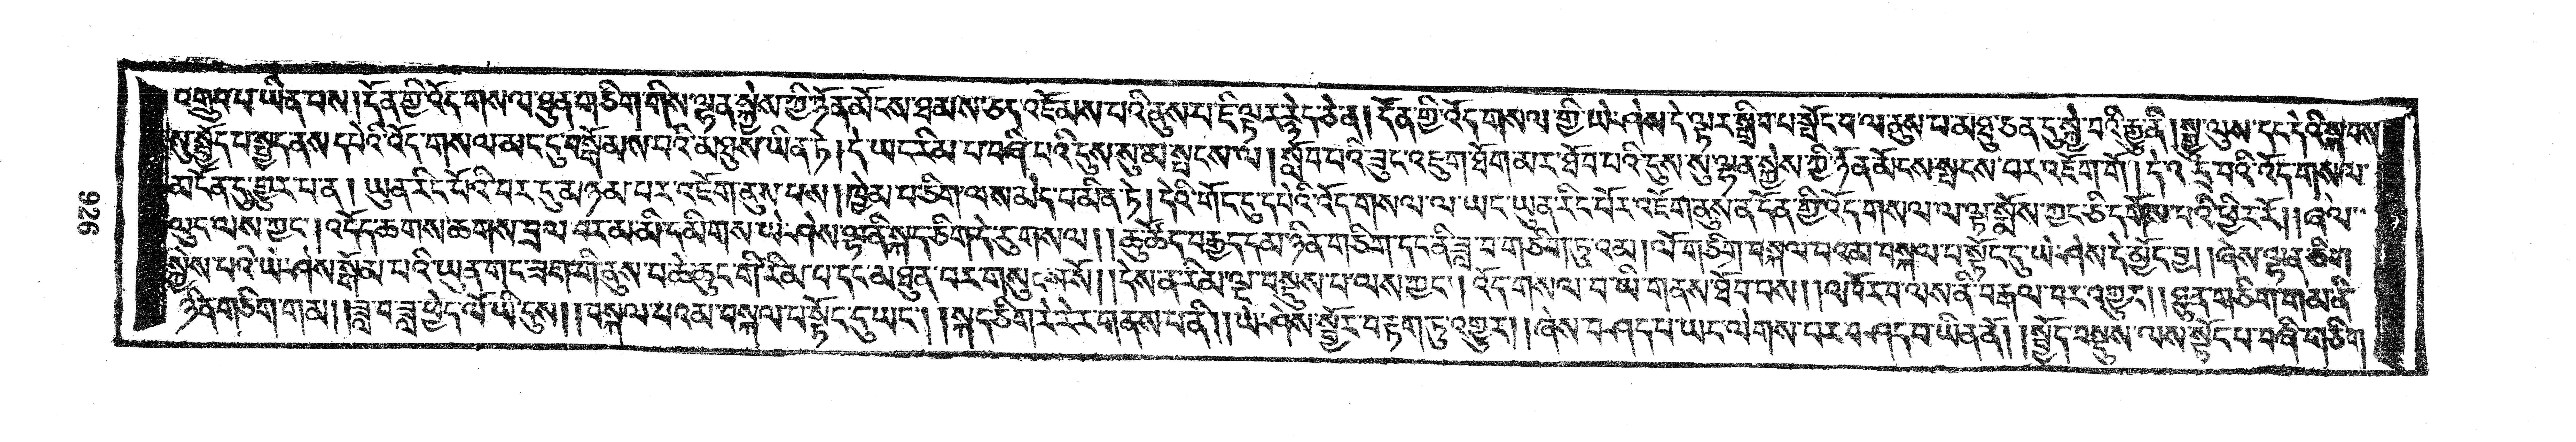འགྲུབ་པ་ཡིན་པས། དོན་གྱི་འོད་གསལ་ཐུན་གཅིག་གིས་ལྷན་སྐྱེས་ཀྱི་ཉོན་མོངས་ཐམས་ཅད་འཇོམས་པའི་ནུས་པ་ཇི་ལྟར་རྙེད་ཅེ་ན། དོན་གྱི་འོད་གསལ་གྱི་ཡེ་ཤེས་དེ་ལྟར་སྒྲིབ་པ་སྤོང་བ་ལ་ནུས་པ་མཐུ་ཅན་དུ་སྐྱེ་བའི་རྒྱུ་ནི། སྒྱུ་ལུས་དང་དེའི་སྐབས་
སུ་སྤྱོད་པ་སྤྱད་ནས་དཔེའི་འོད་གསལ་མང་དུ་བསྒོམས་པའི་མཐུས་ཡིན་ཏེ། དེ་ཡང་རིམ་པ་བཞི་པའི་དུས་སུ་མ་སྤངས་ལ། སློབ་པའི་ཟུང་འཇུག་ཐོག་མར་ཐོབ་པའི་དུས་སུ་ལྷན་སྐྱེས་ཀྱི་ཉོན་མོངས་སྤངས་པར་འཇོག་གོ །དེ་འདྲ་བའི་འོད་གསལ་
མངོན་དུ་གྱུར་པ་ན། ཡུན་རིང་པོའི་བར་དུ་མཉམ་པར་འཇོག་ནུས་པས། ཁྱེམ་པ་ཅིག་ལས་མེད་པ་མིན་ཏེ། དེའི་གོང་དུ་དཔེའི་འོད་གསལ་ལ་ཡང་ཡུན་རིང་པོར་འཇོག་ནུས་ན་དོན་གྱི་འོད་གསལ་ལ་ལྟ་སྨོས་ཀྱང་ཅི་དགོས་པའི་ཕྱིར་རོ། །ཞལ་
ལུང་ལས་ཀྱང་། འདོད་ཆགས་ཆགས་བྲལ་བར་མ་མི་དམིགས་ཡེ་ཤེས་ལྷ་ནི་སྐད་ཅིག་དེ་རུ་གསལ། །ཆུ་ཚོད་བརྒྱད་དམ་ཉིན་གཅིག་དང་ནི་ཟླ་བ་གཅིག་ཏུ་འམ། ལོ་གཅིག་བསྐལ་པའམ་བསྐལ་པ་སྟོང་དུ་ཡེ་ཤེས་དེ་མྱོང་བྱ། །ཞེས་ལྷན་ཅིག་
སྐྱེས་པའི་ཡེ་ཤེས་སྒོམ་པའི་ཡུན་གང་ཟག་གི་ནུས་པ་ཆེ་ཆུང་གི་རིམ་པ་དང་མཐུན་པར་གསུངས་སོ། །དེས་ན་རིམ་ལྔ་བསྡུས་པ་ལས་ཀྱང་། འོད་གསལ་བ་ཡི་གནས་ཐོབ་པས། །འཁོར་བ་ལས་ནི་བརྒལ་བར་འགྱུར། །ཐུན་གཅིག་གམ་ནི་
ཉིན་གཅིག་གམ། །ཟླ་བ་ཟླ་ཁྱེད་ལོ་ཡི་དུས། །བསྐལ་པའམ་བསྐལ་པ་སྟོང་དུ་ཡང་། །སྐད་ཅིག་རེ་རེར་གནས་པ་ནི། །ཡེ་ཤེས་སྦྱོར་བ་རྟག་ཏུ་འགྱུར། །ཞེས་བཤད་པ་ཡང་ལེགས་པར་བཤད་པ་ཡིན་ནོ། །སྤྱོད་བསྡུས་ལས་སྟོང་པ་བཞི་གཅིག་